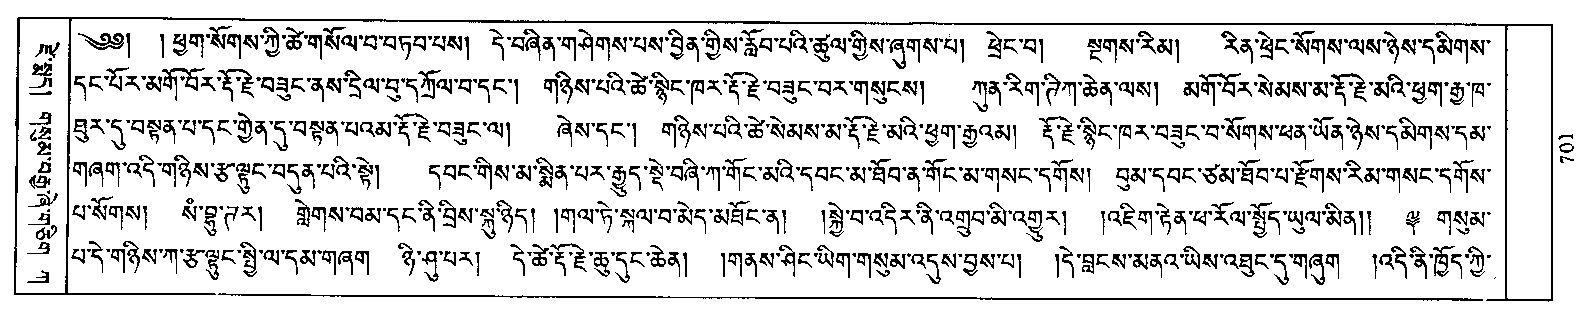༄༅། །ཕྱག་སོགས་ཀྱི་ཚེ་གསོལ་བ་བཏབ་པས། དེ་བཞིན་གཤེགས་པས་བྱིན་གྱིས་རློབ་པའི་ཚུལ་གྱིས་ཞུགས་པ། ཕྲེང་བ། སྔགས་རིམ། རིན་ཕྲེང་སོགས་ལས་ཉེས་དམིགས་
དང་པོར་མགོ་བོར་རྡོ་རྗེ་བཟུང་ནས་དྲིལ་བུ་དཀྲོལ་བ་དང་། གཉིས་པའི་ཚེ་སྙིང་ཁར་རྡོ་རྗེ་བཟུང་བར་གསུངས། ཀུན་རིག་ཊིཀ་ཆེན་ལས། མགོ་བོར་སེམས་མ་རྡོ་རྗེ་མའི་ཕྱག་རྒྱ་ཁ་
ཐུར་དུ་བསྟན་པ་དང་གྱེན་དུ་བསྟན་པའམ་རྡོ་རྗེ་བཟུང་ལ། ཞེས་དང་། གཉིས་པའི་ཚེ་སེམས་མ་རྡོ་རྗེ་མའི་ཕྱག་རྒྱའམ། རྡོ་རྗེ་སྙིང་ཁར་བཟུང་བ་སོགས་ཕན་ཡོན་ཉེས་དམིགས་དམ་
གཞག་འདི་གཉིས་རྩ་ལྟུང་བདུན་པའི་སྟེ། དབང་གིས་མ་སྨིན་པར་རྒྱུད་སྡེ་བཞི་ཀ་གོང་མའི་དབང་མ་ཐོབ་ན་གོང་མ་གསང་དགོས། བུམ་དབང་ཙམ་ཐོབ་པ་རྫོགས་རིམ་གསང་དགོས་
པ་སོགས། སཾ་བྷུ་ཊར། གླེགས་བམ་དང་ནི་བྲིས་སྐུ་ཉིད། །གལ་ཏེ་སྐལ་བ་མེད་མཐོང་ན། །སྐྱེ་བ་འདིར་ནི་འགྲུབ་མི་འགྱུར། །འཇིག་རྟེན་ཕ་རོལ་སྤྱོད་ཡུལ་མིན།། ༈ གསུམ་
པ་དེ་གཉིས་ཀ་རྩ་ལྟུང་སྤྱི་ལ་དམ་གཞག་ཉི་ཤུ་པར། དེ་ཚེ་རྡོ་རྗེ་ཆུ་དུང་ཆེན། །གནས་ཤིང་ཡིག་གསུམ་འདུས་བྱས་པ། །དེ་བླངས་མནའ་ཡིས་འཐུང་དུ་གཞུག །འདི་ནི་ཁྱོད་ཀྱི་